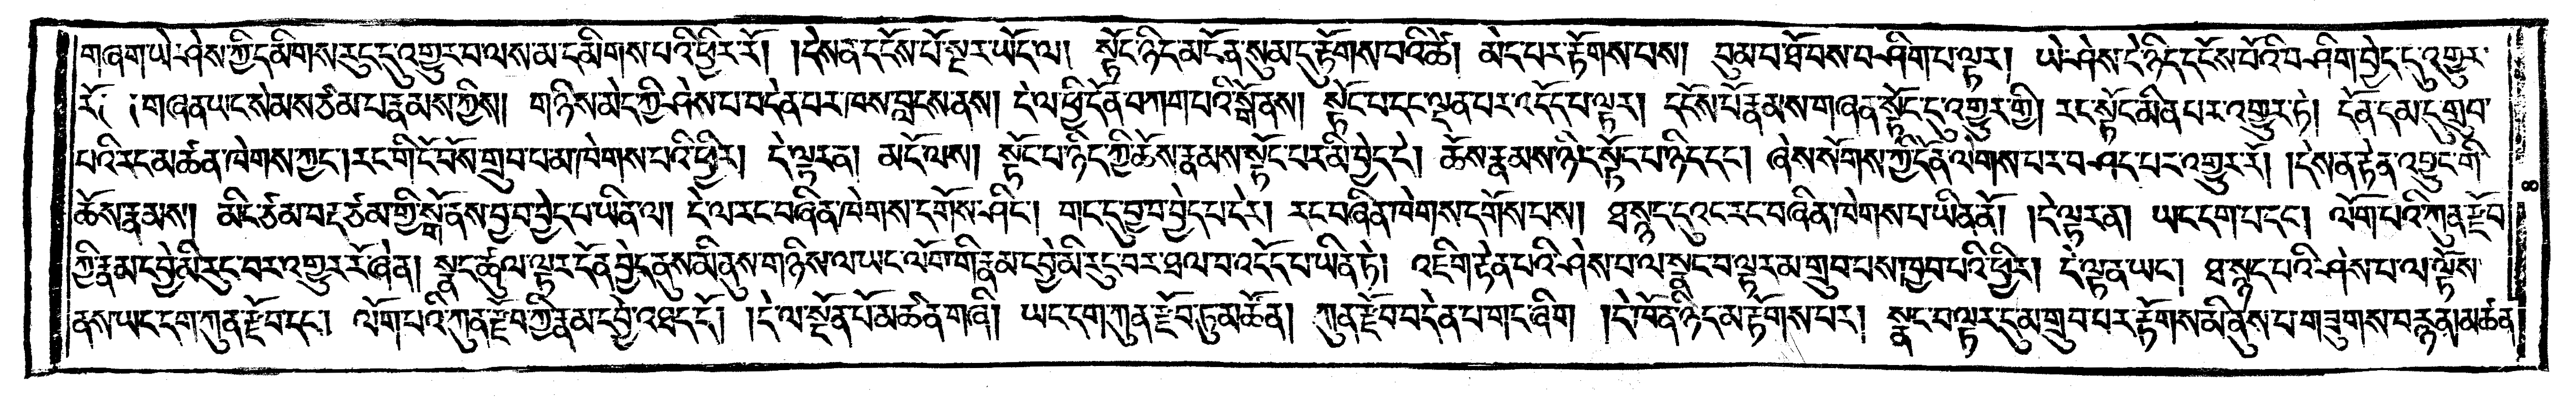གཞག་ཡེ་ཤེས་ཀྱི་དམིགས་རུང་དུ་འགྱུར་བ་ལས་མ་དམིགས་པའི་ཕྱིར་རོ། །དེས་ན་དངོས་པོ་སྔར་ཡོད་ལ། སྟོང་ཉིད་མངོན་སུམ་དུ་རྟོགས་པའི་ཚེ། མེད་པར་རྟོགས་པས། བུམ་པ་ཐོ་བས་བཤིག་པ་ལྟར། ཡེ་ཤེས་དེ་ཉིད་དངོས་པོའི་བཤིག་བྱེད་དུ་འགྱུར་
རོ། །གཞན་ཡང་སེམས་ཙམ་པ་རྣམས་ཀྱིས། གཉིས་མེད་ཀྱི་ཤེས་པ་བདེན་པར་ཁས་བླངས་ནས། དེ་ལ་ཕྱི་དོན་བཀག་པའི་སྒོ་ནས། སྟོང་པ་དང་ལྡན་པར་འདོད་པ་ལྟར། དངོས་པོ་རྣམས་གཞན་སྟོང་དུ་འགྱུར་གྱི། རང་སྟོང་མིན་པར་འགྱུར་ཏེ། དོན་དམ་དུ་གྲུབ་
པའི་རང་མཚན་ཁེགས་ཀྱང་། རང་གི་ངོ་བོས་གྲུབ་པ་མ་ཁེགས་པའི་ཕྱིར། དེ་ལྟར་ན། མདོ་ལས། སྟོང་པ་ཉིད་ཀྱི་ཆོས་རྣམས་སྟོང་པར་མི་བྱེད་དེ། ཆོས་རྣམས་ཉིད་སྟོང་པ་ཉིད་དང་། ཞེས་སོགས་ཀྱི་དོན་ལེགས་པར་བཤད་པར་འགྱུར་རོ། །དེས་ན་རྟེན་འབྱུང་གི་
ཆོས་རྣམས། མིང་ཙམ་བརྡ་ཙམ་གྱི་སྒོ་ནས་བྱ་བ་བྱེད་པ་ཡིན་ལ། དེ་ལ་རང་བཞིན་ཁེགས་དགོས་ཤིང་། གང་དུ་བྱ་བ་བྱེད་པ་དེར། རང་བཞིན་ཁེགས་དགོས་པས། ཐ་སྙད་དུའང་རང་བཞིན་ཁེགས་པ་ཡིན་ནོ། །དེ་ལྟར་ན། ཡང་དག་པ་དང་། ལོག་པའི་ཀུན་རྫོབ་
ཀྱི་རྣམ་དབྱེ་མི་རུང་བར་འགྱུར་རོ་ཞེ་ན། སྣང་ཚུལ་ལྟར་དོན་བྱེད་ནུས་མི་ནུས་གཉིས་ལ་ཡང་ལོག་གི་རྣམ་དབྱེ་མི་རུང་བར་ཐལ་བ་འདོད་པ་ཡིན་ཏེ། འཇིག་རྟེན་པའི་ཤེས་པ་ལ་སྣང་བ་ལྟར་མ་གྲུབ་པས་ཁྱབ་པའི་ཕྱིར། དེ་ལྟ་ན་ཡང་། ཐ་སྙད་པའི་ཤེས་པ་ལ་ལྟོས་
ནས་ཡང་དག་ཀུན་རྫོབ་དང་། ལོག་པའི་ཀུན་རྫོབ་ཀྱི་རྣམ་དབྱེ་འཐད་དོ། །དེ་ལ་སྔོན་པོ་མཚན་གཞི། ཡང་དག་ཀུན་རྫོབ་ཏུ་མཚོན། ཀུན་རྫོབ་བདེན་པ་གང་ཞིག །དེ་ཁོ་ན་ཉིད་མ་རྟོགས་པར། སྣང་བ་ལྟར་དུ་མ་གྲུབ་པར་རྟོགས་མི་ནུས་པ་གཟུགས་བརྙན། མཚན་